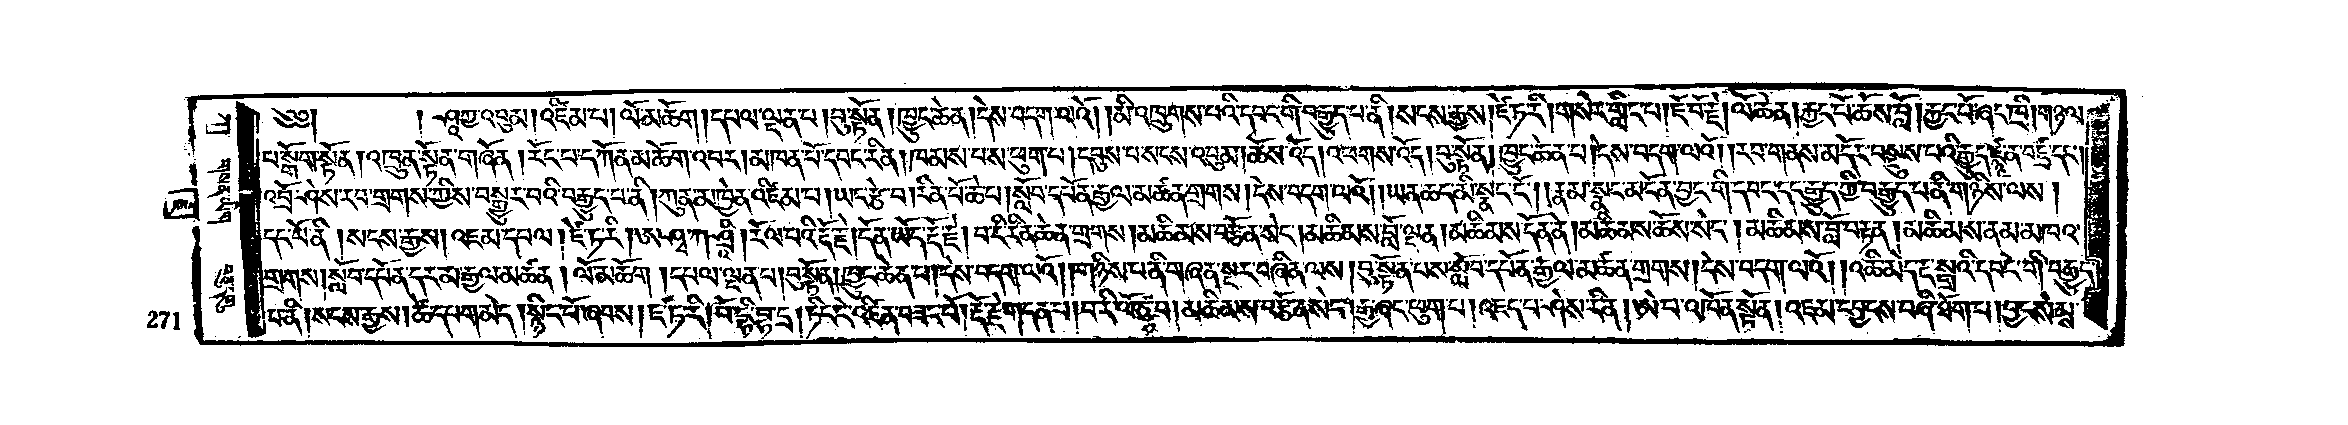༄༅། །ཤཱཀྱ་འབུམ། འཛིམ་པ། ལོ་མཆོག། དཔལ་ལྡན་པ། བུ་སྟོན། ཁྱུང་ཆེན། དེས་བདག་ལའོ། །མི་འཁྲུགས་པའི་དབང་གི་བརྒྱུད་པ་ནི། སངས་རྒྱས། ཛེ་ཏ་རི། གསེར་གླིང་པ། ཇོ་བོ་རྗེ། ལོ་ཆེན། རྐྱང་པོ་ཆོས་བློ། རྐྱང་པོ་ཞང་ཁྲི། གཉལ་
པ་སྒོག་སྟོན། འཁྲུན་སྟོན་གཞོན། རོང་པ་དཀོན་མཆོག་འབར། མཁན་པོ་དབང་རིན། ཁམས་པས་ཕུག་པ། དབུས་པ་སངས་འབུམ། ཆོས་འོད། འཕགས་འོད། བུ་སྟོན། ཁྱུང་ཆེན་པ། དེས་བདག་ལའོ། །རབ་གནས་མདོར་བསྡུས་པའི་རྒྱུད་ཛྙཱ་ན་བཛྲ་དང་།
འབྲོ་ཤེས་རབ་གྲགས་ཀྱིས་བསྒྱུར་བའི་བརྒྱུད་པ་ནི། ཀུན་མཁྱེན་འཛིམ་པ། ཡང་རྩེ་བ། རིན་པོ་ཆེ་པ། སློབ་དཔོན་རྒྱལ་མཚན་གྲགས། དེས་བདག་ལའོ། །ཡན་ཆད་མི་སྣང་ངོ། །རྣམ་སྣང་མངོན་བྱང་གི་དབང་དང་རྒྱུད་ཀྱི་བརྒྱུད་པ་ནི་གཉིས་ལས།
དང་པོ་ནི། སངས་རྒྱས། འཇམ་དཔལ། ཛེ་ཏ་རི། ཨ་ཤྭ་ཀཤྲཱི། རོལ་པའི་རྡོ་རྗེ། དོན་ཡོད་རྡོ་རྗེ། བ་རི་རིན་ཆེན་གྲགས། མཆིམས་བརྩོན་སེང་། མཆིམས་བློ་ལྡན། མཆིམས་དོན་ནེ། མཆིམས་ཆོས་སེང་། མཆིམས་བློ་བརྟན། མཆིམས་ནམ་མཁའ་
གྲགས། སློབ་དཔོན་དར་མ་རྒྱལ་མཚན། ལོ་མཆོག །དཔལ་ལྡན་པ། བུ་སྟོན། ཁྱུང་ཆེན་པ། དེས་བདག་ལའོ། །གཉིས་པ་ནི་གཞན་སྔར་བཞིན་ལས། བུ་སྟོན་པས་སློབ་དཔོན་རྒྱལ་མཚན་གྲགས། དེས་བདག་ལའོ། །འཆི་མེད་རྡ་སྒྲའི་དབང་གི་བརྒྱུད་
པ་ནི། སངས་རྒྱས། ཚེ་དཔག་མེད། སྙིང་པོ་ཞབས། ཛ་ཏ་རི། བོ་དྷི་བྷ་དྲ། ཏིང་ངེ་འཛིན་བཟང་པོ། རྡོ་རྗེ་གདན་པ། བ་རི་ལོཙྪ་བ། མཆིམས་བརྩོན་སེང་། རྒྱ་ཞང་ཕུག་པ། འཇད་པ་ཤེས་རིན། ཨེ་པ་འཁོན་སྟོན། འཇམ་དབྱངས་བཞི་ཐོག་པ། བྱང་སེམས་